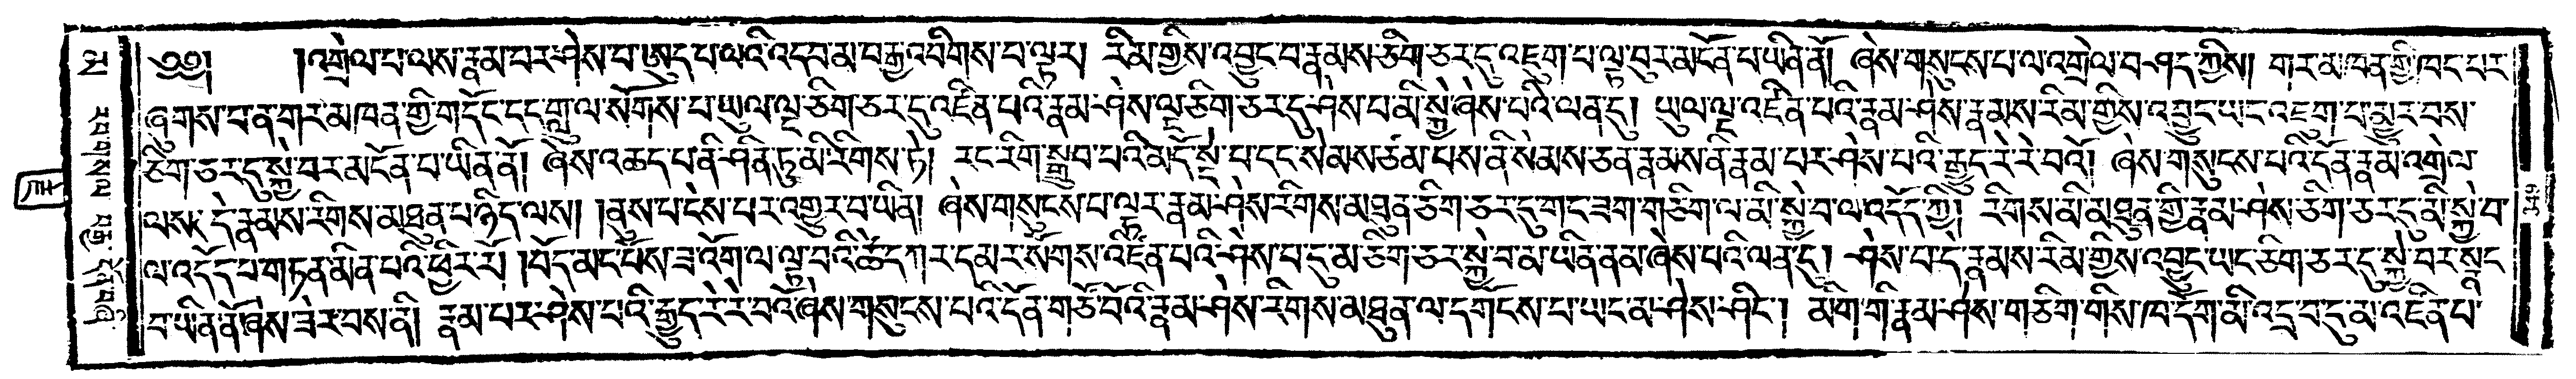༄༅། །འགྲེལ་པ་ལས་རྣམ་པར་ཤེས་པ་ཨུད་པ་ལའི་འདབ་མ་བརྒྱ་འབིགས་པ་ལྟར། རིམ་གྱིས་འབྱུང་བ་རྣམས་ཅིག་ཅར་དུ་འཇུག་པ་ལྟ་བུར་མངོན་པ་ཡིན་ནོ། ཞེས་གསུངས་པ་ལ་འགྲེལ་བཤད་ཀྱིས། གར་མཁན་གྱི་ཁང་པར་
ཞུགས་པ་ན་གར་མཁན་གྱི་གདོང་དང་གླུ་ལ་སོགས་པ་ཡུལ་ལྔ་ཅིག་ཅར་དུ་འཛིན་པའི་རྣམ་ཤེས་ལྔ་ཅིག་ཅར་དུ་ཤེས་པ་མི་སྐྱེ་ཞེས་པའི་ལན་དུ། ཡུལ་ལྔ་འཛིན་པའི་རྣམ་ཤེས་རྣམས་རིམ་གྱིས་འབྱུང་ཡང་འཇུག་པ་མྱུར་བས་
ཅིག་ཅར་དུ་སྐྱེ་བར་མངོན་པ་ཡིན་ནོ། ཞེས་འཆད་པ་ནི་ཤིན་ཏུ་མི་རིགས་ཏེ། རང་རིག་སྒྲུབ་པའི་མདོ་སྡེ་པ་དང་སེམས་ཙམ་པས་ནི་སེམས་ཅན་རྣམས་ནི་རྣམ་པར་ཤེས་པའི་རྒྱུད་རེ་རེ་བའོ། ཞེས་གསུངས་པའི་དོན་རྣམ་འགྲེལ་
ལས༑ དེ་རྣམས་རིགས་མཐུན་པ་ཉིད་ལས། །ནུས་པ་ངེས་པར་འགྱུར་བ་ཡིན། ཞེས་གསུངས་པ་ལྟར་རྣམ་ཤེས་རིགས་མཐུན་ཅིག་ཅར་དུ་གང་ཟག་གཅིག་ལ་མི་སྐྱེ་བ་ལ་འདོད་ཀྱི། རིགས་མི་མཐུན་གྱི་རྣམ་ཤེས་ཅིག་ཅར་དུ་མི་སྐྱེ་བ་
ལ་འདོད་པ་གཏན་མིན་པའི་ཕྱིར་རོ། །བོད་མང་པོས་ཟ་འོག་ལ་ལྟ་བའི་ཚེ་དཀར་དམར་སོགས་འཛིན་པའི་ཤེས་པ་དུ་མ་ཅིག་ཅར་སྐྱེ་བ་མ་ཡིན་ནམ་ཞེས་པའི་ལན་དུ། ཤེས་པ་དེ་རྣམས་རིམ་གྱིས་འབྱུང་ཡང་ཅིག་ཅར་དུ་སྐྱེ་བར་སྣང་
བ་ཡིན་ནོ་ཞེས་ཟེར་བས་ནི། རྣམ་པར་ཤེས་པའི་རྒྱུད་རེ་རེ་བའོ་ཞེས་གསུངས་པའི་དོན་གཙོ་བོའི་རྣམ་ཤེས་རིགས་མཐུན་ལ་དགོངས་པ་ཡང་མ་ཤེས་ཤིང་། མིག་གི་རྣམ་ཤེས་གཅིག་གིས་ཁ་དོག་མི་འདྲ་བ་དུ་མ་འཛིན་པ་